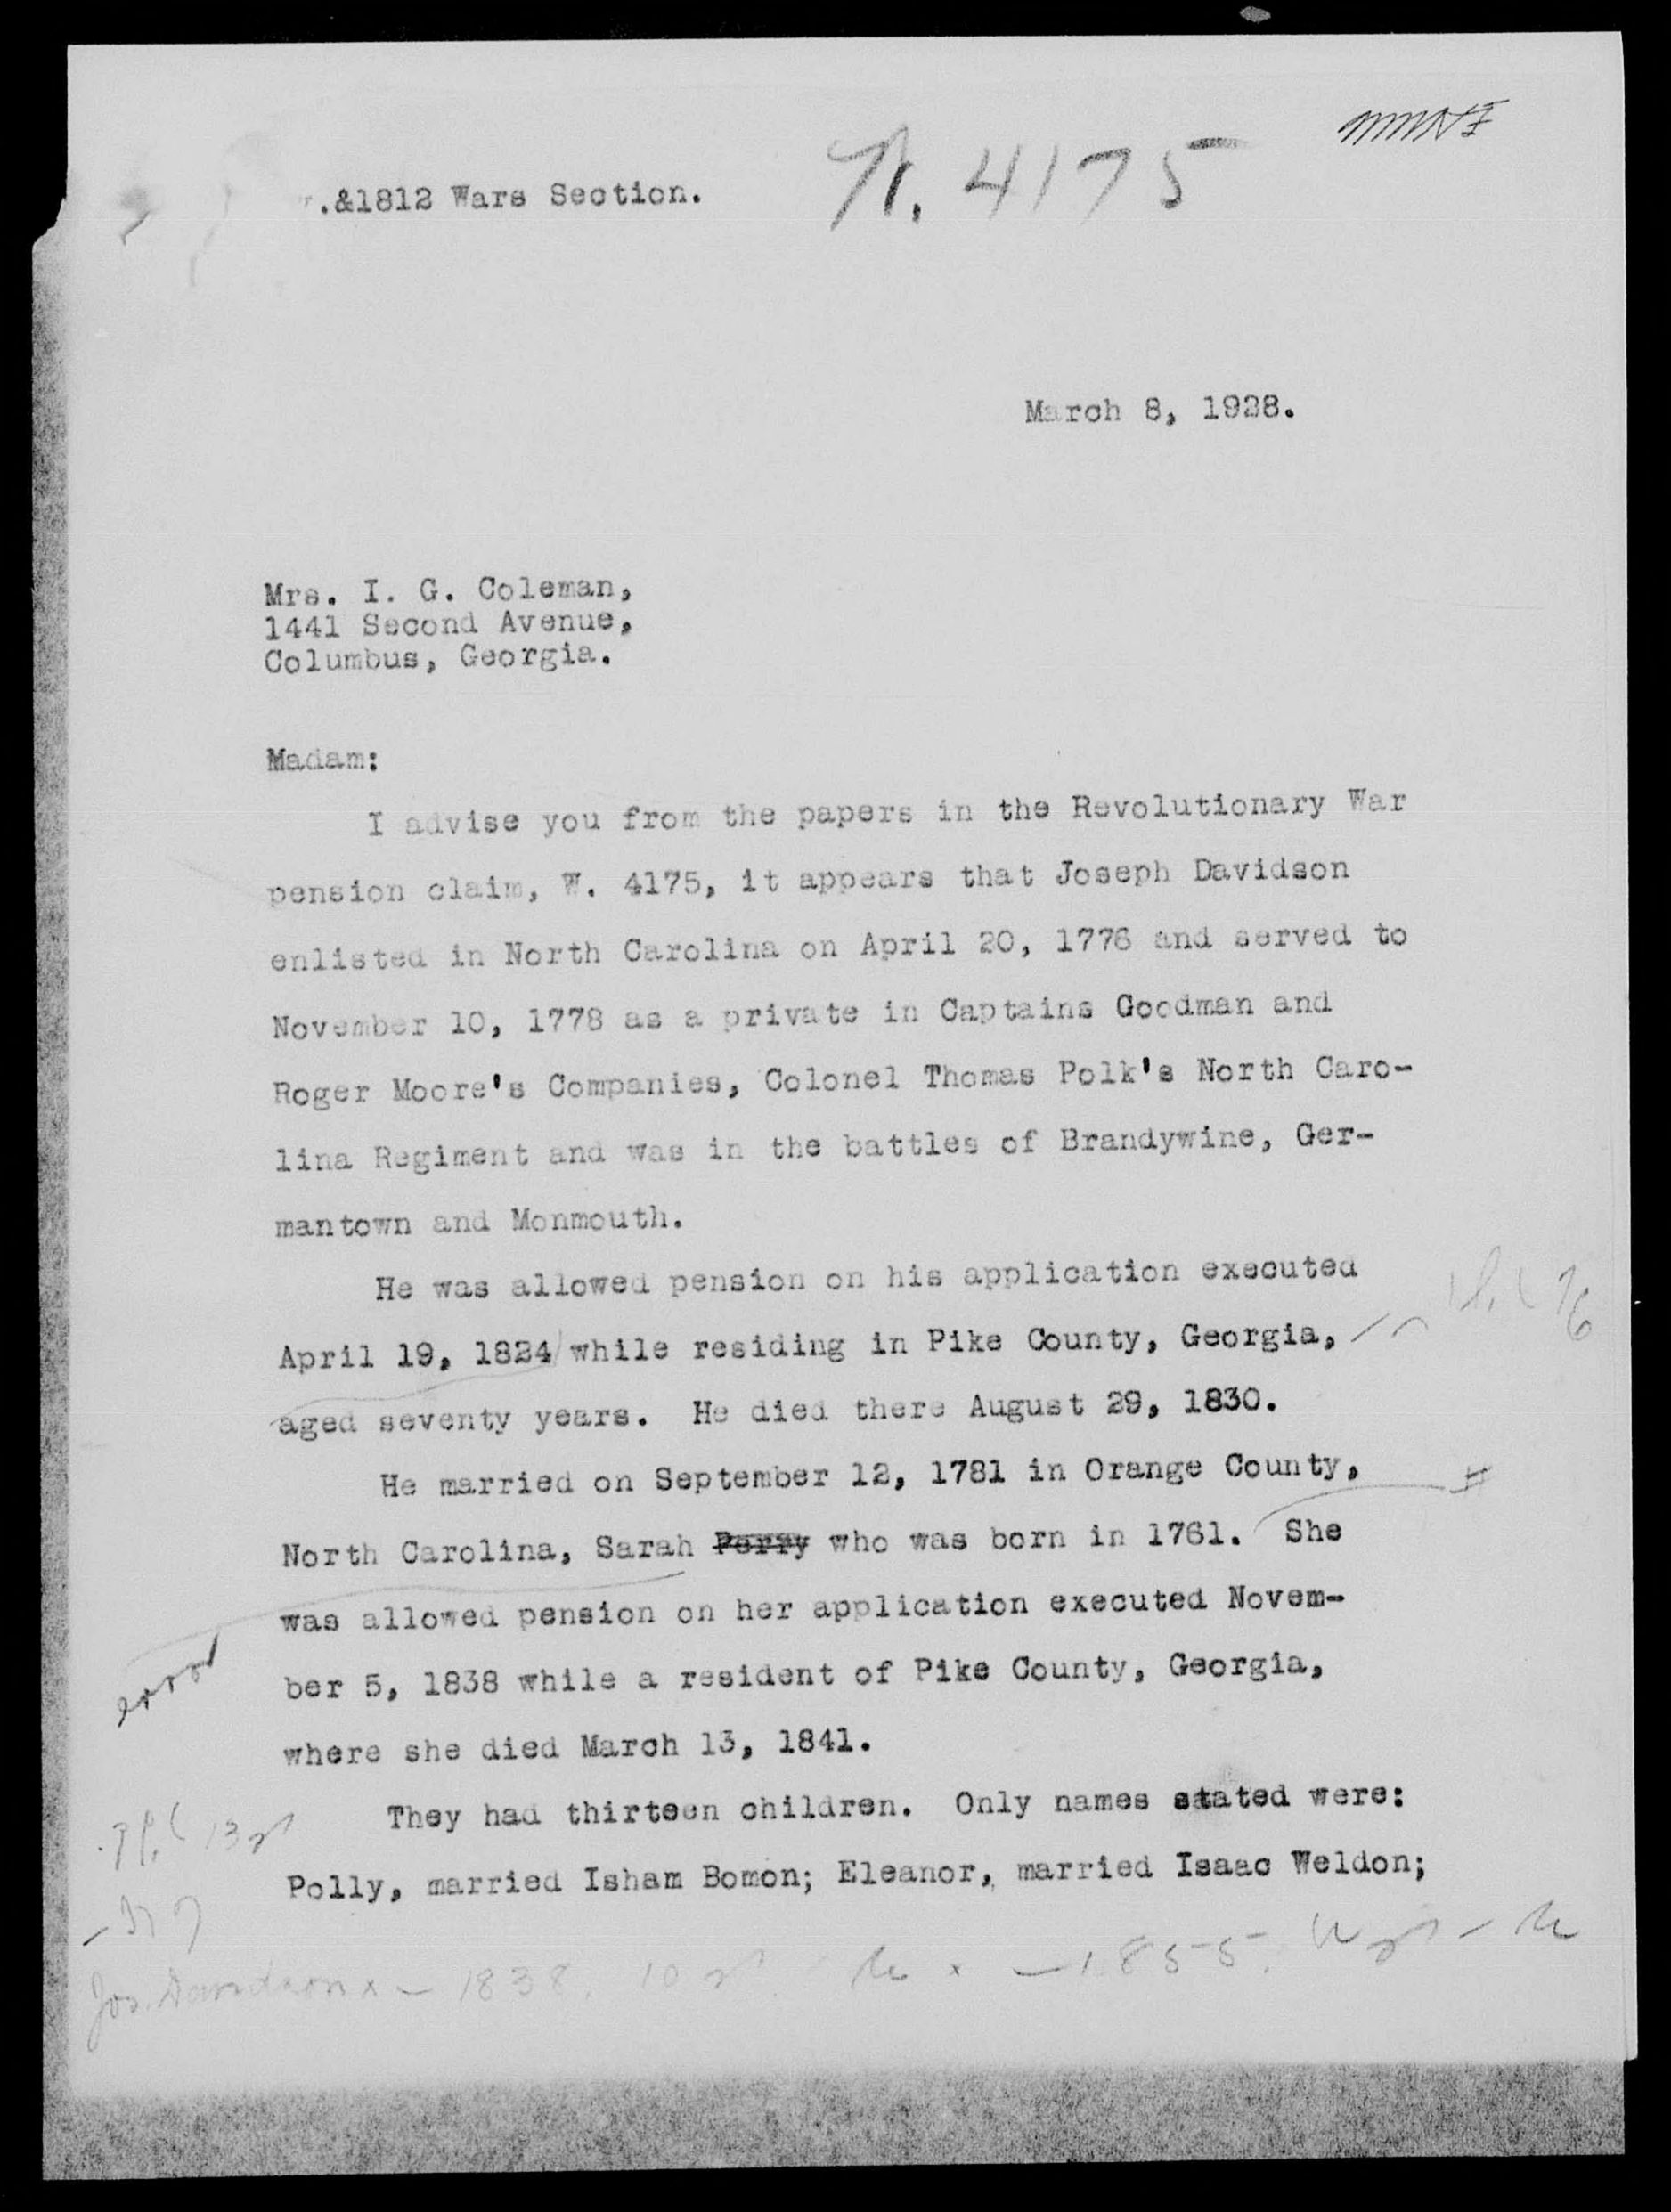[Revolutionary] and 1812 Wars Section. N. 4175

March 8, 1928.

Mrs. I. G. Coleman,
1441 Second Avenue,
Columbus, Georgia.

Madam:
I advise you from the papers in the Revolutionary War pension claim, W. 4175, it appears that Joseph Davidson enlisted in North Carolina on April 20, 1776 and served to
November 10, 1778 as a private in Captains Goodman and Roger Moore's Companies, Colonel Thomas Polk's North Carolina Regiment and was in the battles of Brandywine, Germantown and Monmouth.

He was allowed pension on his application executed April 19, 1824 while residing in Pike County, Georgia, aged seventy years. He died there August 29, 1830.

He married on September 12, 1781 in Orange County, North Carolina, Sarah who was born in 1781. She was allowed pension on her application executed November 5, 1838 while a resident of Pike County, Georgia, where she died March 13, 1841.

They had thirteen children. Only names stated were: Polly, married Isham Bomon; Eleanor, married Isaac Weldon;
Jos. Davidson x - 1838. 70 to x- 1855.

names: Eleanor, Sarah Perry, Joseph Davidson, I G Coleman, Isham Bomon, Jos Davidson, Isaac Weldon, Polly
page: 60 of 63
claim: widow's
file: W. 4175, Joseph Davidson, N.C.